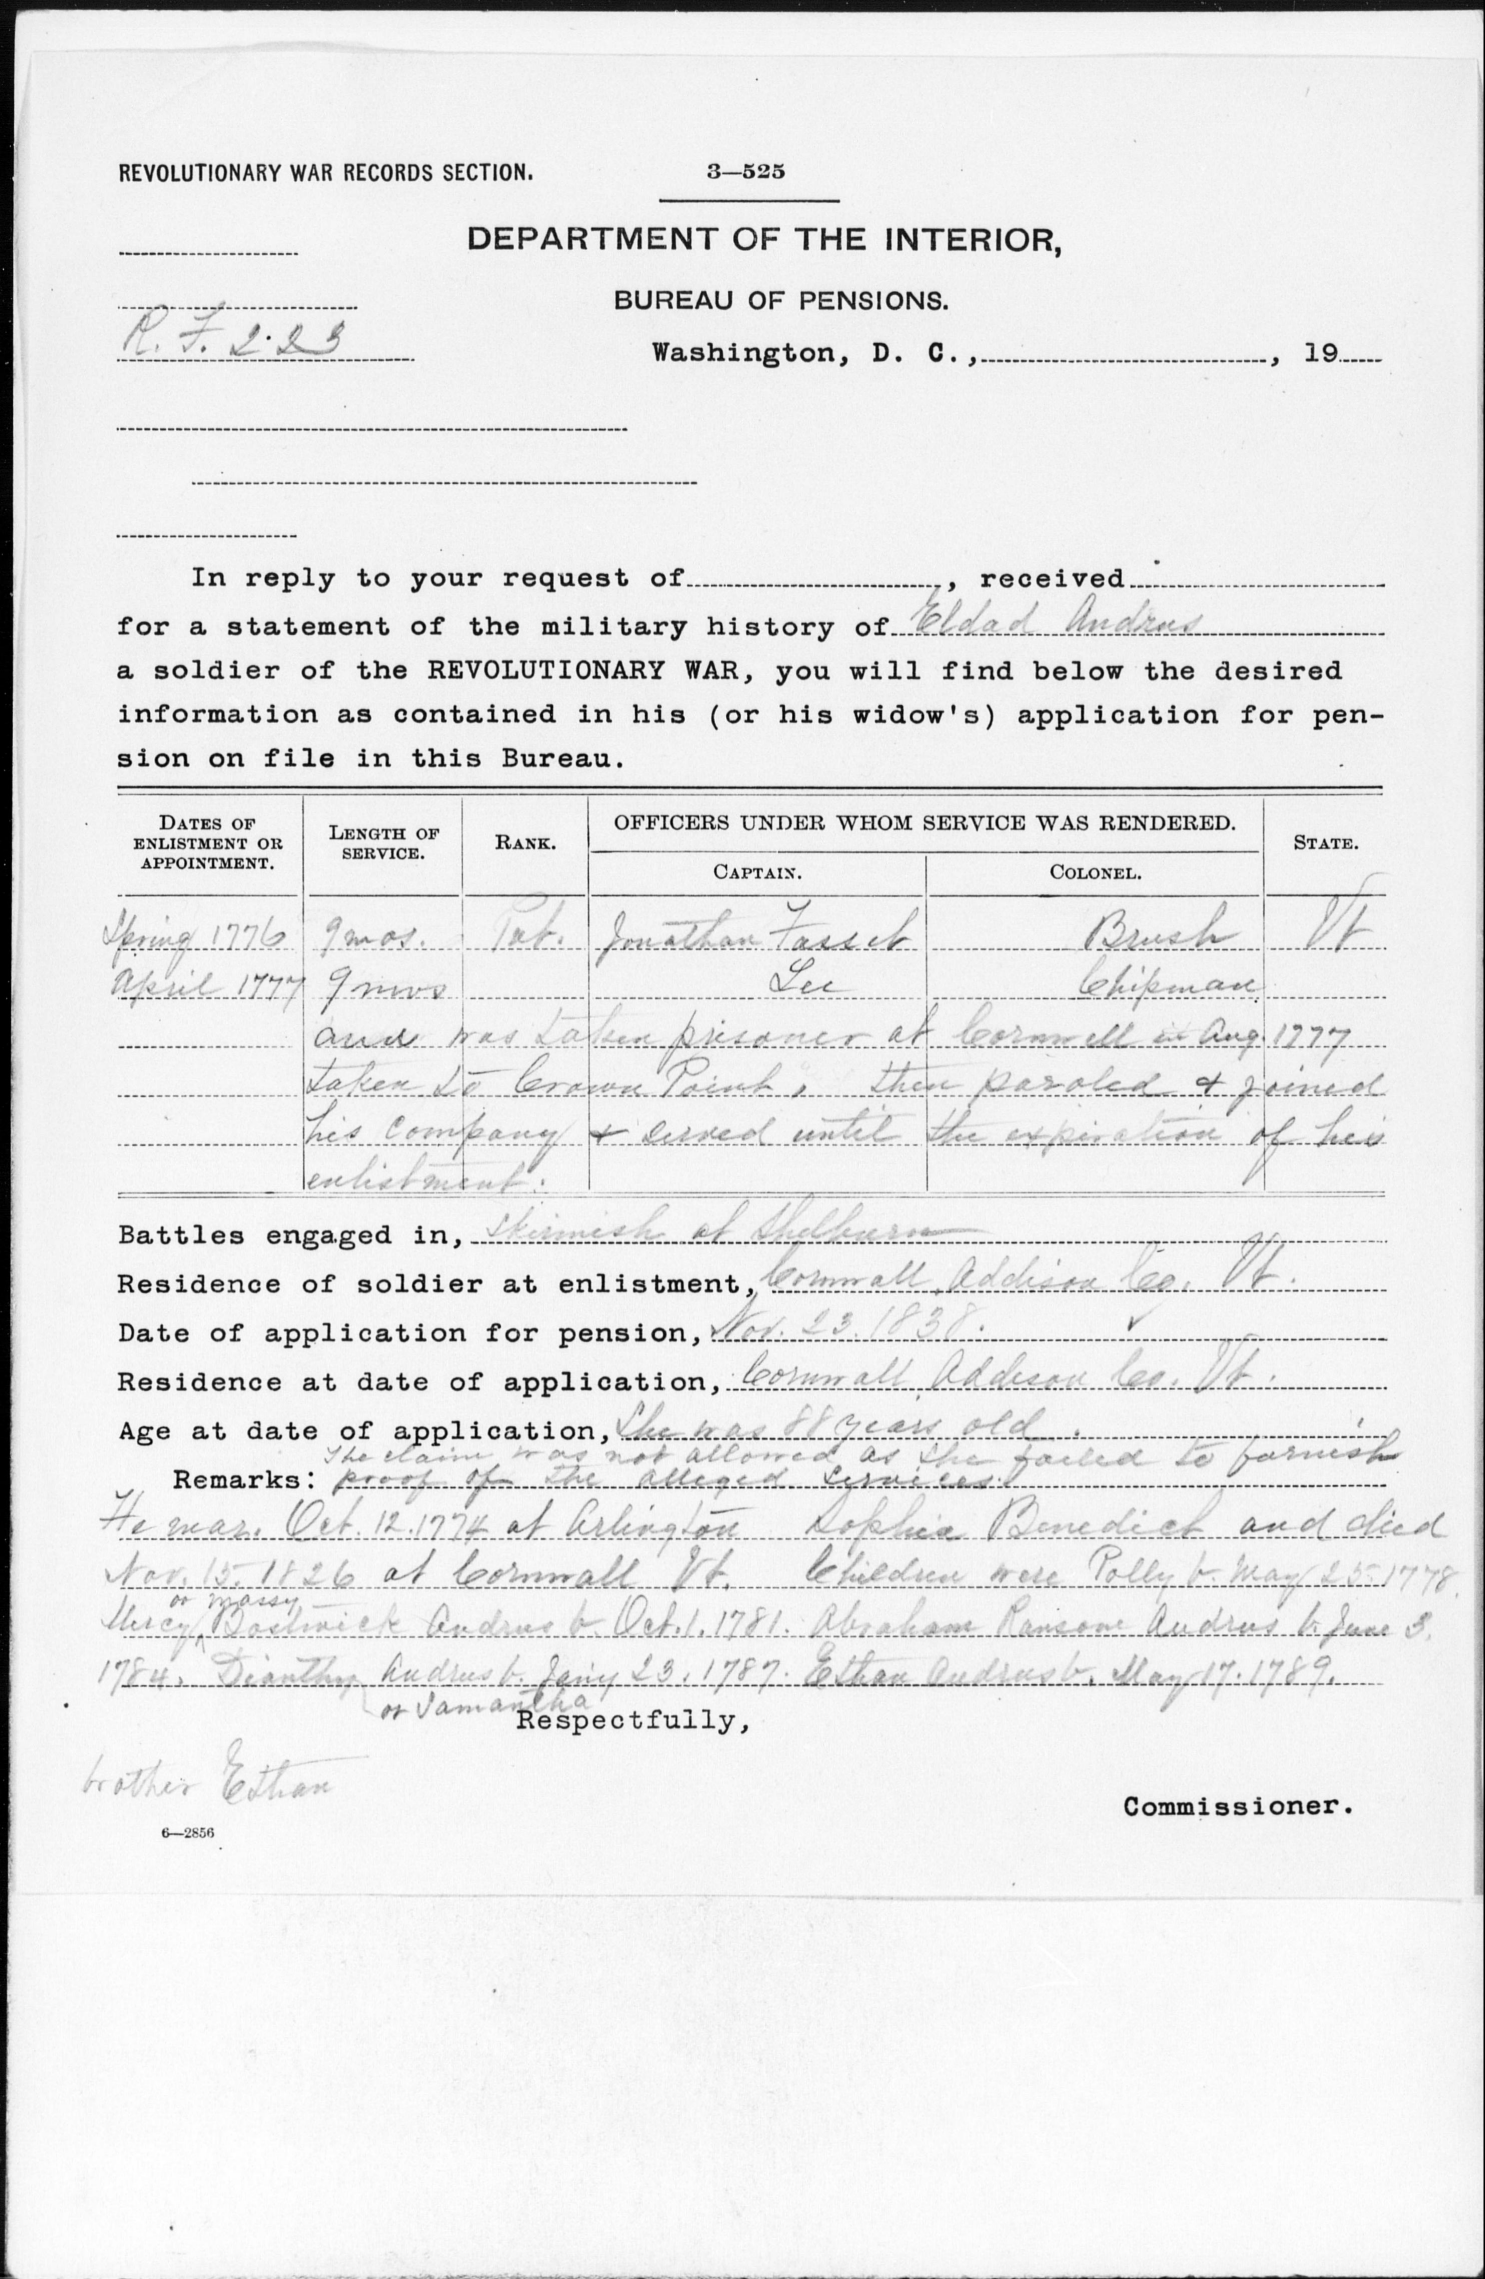REVOLUTIONARY WAR RECORDS SECTION.
3 -- 525
R. F. 2.2.3

DEPARTMENT OF THE INTERIOR,
BUREAU OF PENSIONS.
Washington, D. C.,....................,19...............

In reply to your request of................, received.........for a statement of the military history of Elda Andrews a soldier of the REVOLUTIONARY WAR, you will find below the
information as contained in his (or his widow's ) application for pension on file in this Bureau.
===================================
DATES OF     |LENGTH OF SERVICE|      RANK
APPOINTMENT|         
Spring 1776               9 mos                       Pvt
April 1777                  9  mos

OFFICERS UNDER WHOM SERVICE WAS RENDERED.
CAPTAIN              COLONEL            STATE
Jonathan Fasset      Brush                Vt
Lee                           Chipman
And was taken prisoner at Cornwell in Aug 1777
taken & Greene Point thee paroled & joined
his company & served until the expiration of his
enlistment.

Battles engaged in, ....Skirmish of Shelburne
Residence of soldier at enlistment,... Cornwall, Addison Co
Date of application for pension,...Nov. 23, 1838 
Residence at date of application,....Cornwall Addison Co, Vt
Age at date of application for,...She was 88 year 
The claim was not allowed as the failed to furnish
Remarks:... proof of the alleged services
He was Oct. 12. 1724 of Arlington Sophia Benedict and died Nov. 15. 1826 at Cornwall, Vt.
Children were Polly b. May 25, 1778.
Mercy [or Massy] Bostwick Andrews b. Oct. 1, 1781. Abraham Ransom Andrews to b. June 3,
1784 Dianthy Andrews B. Jan. 23, 1787. Esther Andrew b. May 17, 1789. & Samantha  

Respectfully,
Brother Ethan

6 -- 2856                                     Commissioner.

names: Abraham Ransom Andrus, Dianthy Andrus, Ethan Andrus, Ethan, Sophia Benedict, Eldad Andrus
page: 11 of 27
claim: rejected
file: R. 223, Eldad Andrus, Vt.